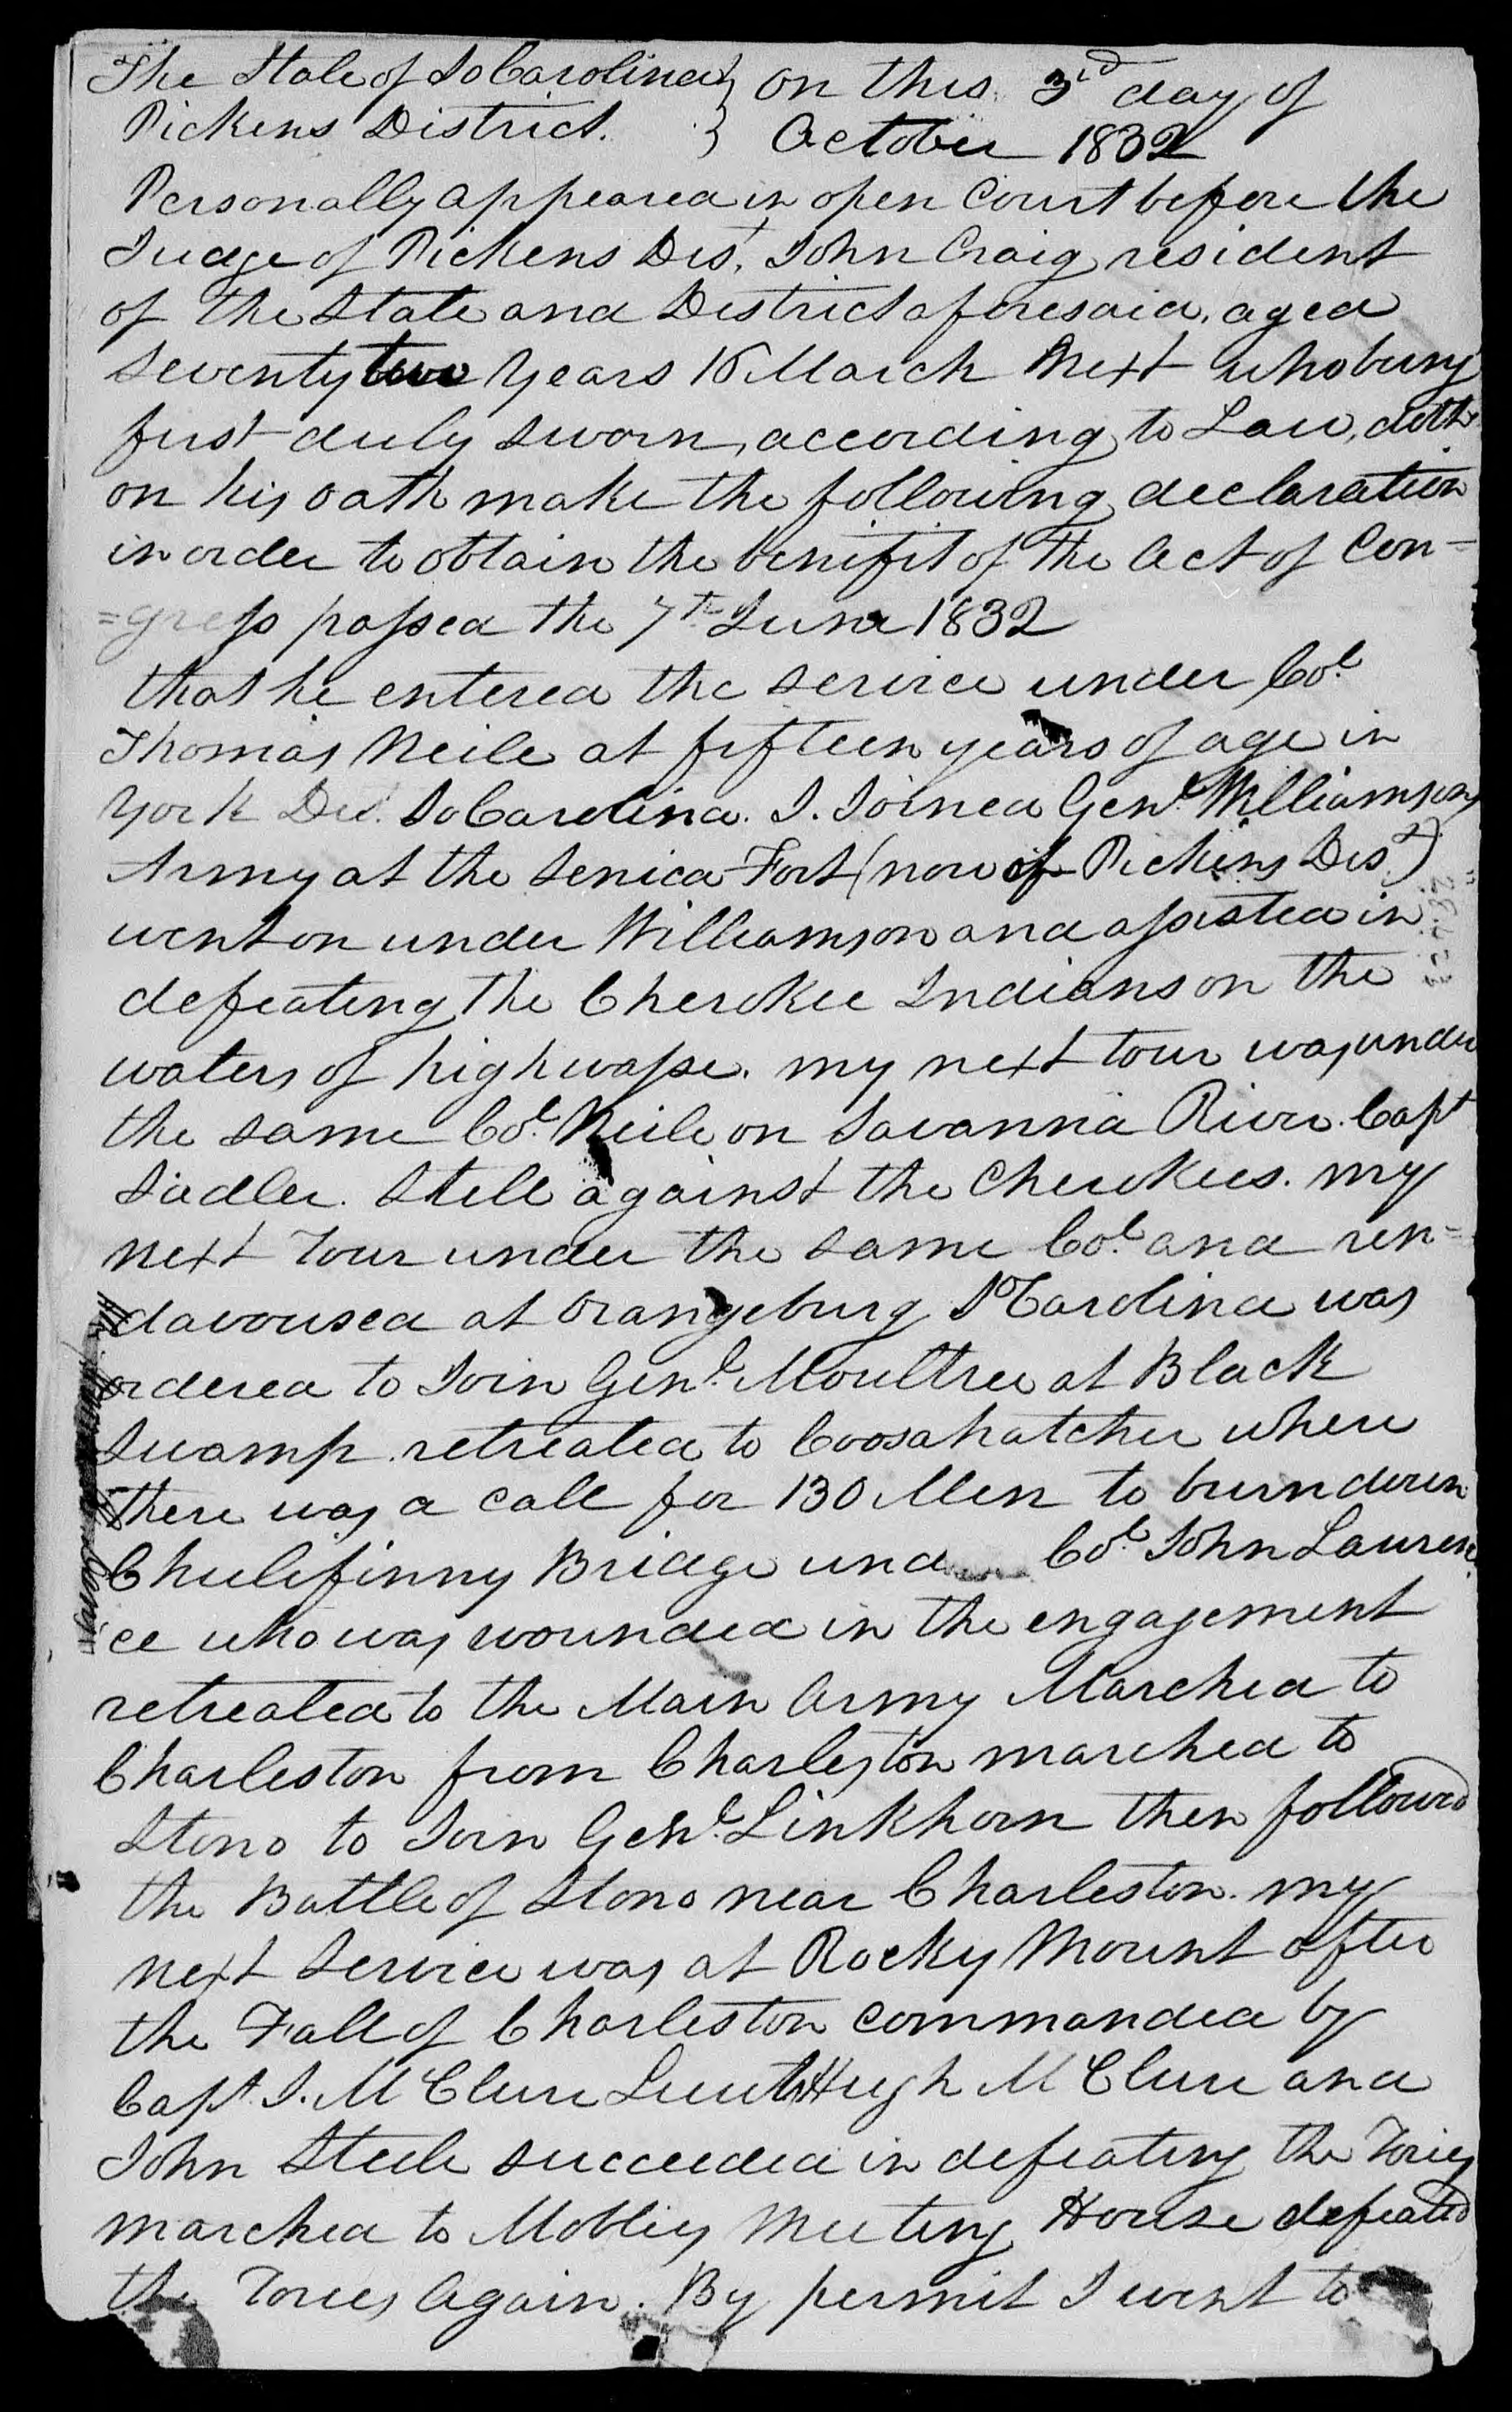The State of So Carolina
Pickens District

On this 3rd day of October 1832
Personally appeared in open Court before the
Judge of Pickens Dist, John Craig resident
of the State and District aforesaid, aged
seventy two years 16 March next who being first duly sworn, according to Law, doth on his oath make the following declaration in order to obtain the benefit of the act of Congress passed the 7th June 1832 that he entered the service under Col
Thomas Neile at fifteen years of age in York Dist. 
 So Carolina. I. Joined Genl Williamsons Army at the Senica Fort (now of Pickens Dist) went on under Williamson and assisted in defeating the Cherokee Indians on the waters of highwasse, my next tour was under the same Col Neile on Savanna River. Capt Sadler Still against the Cherokees, my next tour under the same Col and rendavoused at Orangeburg S Carolina was ordered to join Genl. Moultree at Black Swamp, retreated to Coosahatchee where there was a call for 130 men to burn clerin Chulifinny Bridge under Col. John Laurence who was wounded in the engagement retreated to the Main Army . Marched to Charleston from Charleston marched to Stono to join Genl. Linkhorn then followed the Battle of Stono near Charleston. My next service was at Rocky Mount after
the Fall of Charleston commanded by
Capt J. McClure Lieuts Hugh M Clure and
John Steele succeeded in defeating the Tories marched to Mobley Meeting House defeated the Tories again. By permit I went to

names: Sadler, Thomas Neile, Williamson, John Lauren, John Craig, John Steele, Williamson, Moultree, Hugh Mc Clure, Linkhorn, J Mc Clure, Neile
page: 3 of 55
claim: widow's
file: W. 22864, John Craig, S.C. Born In Iceland